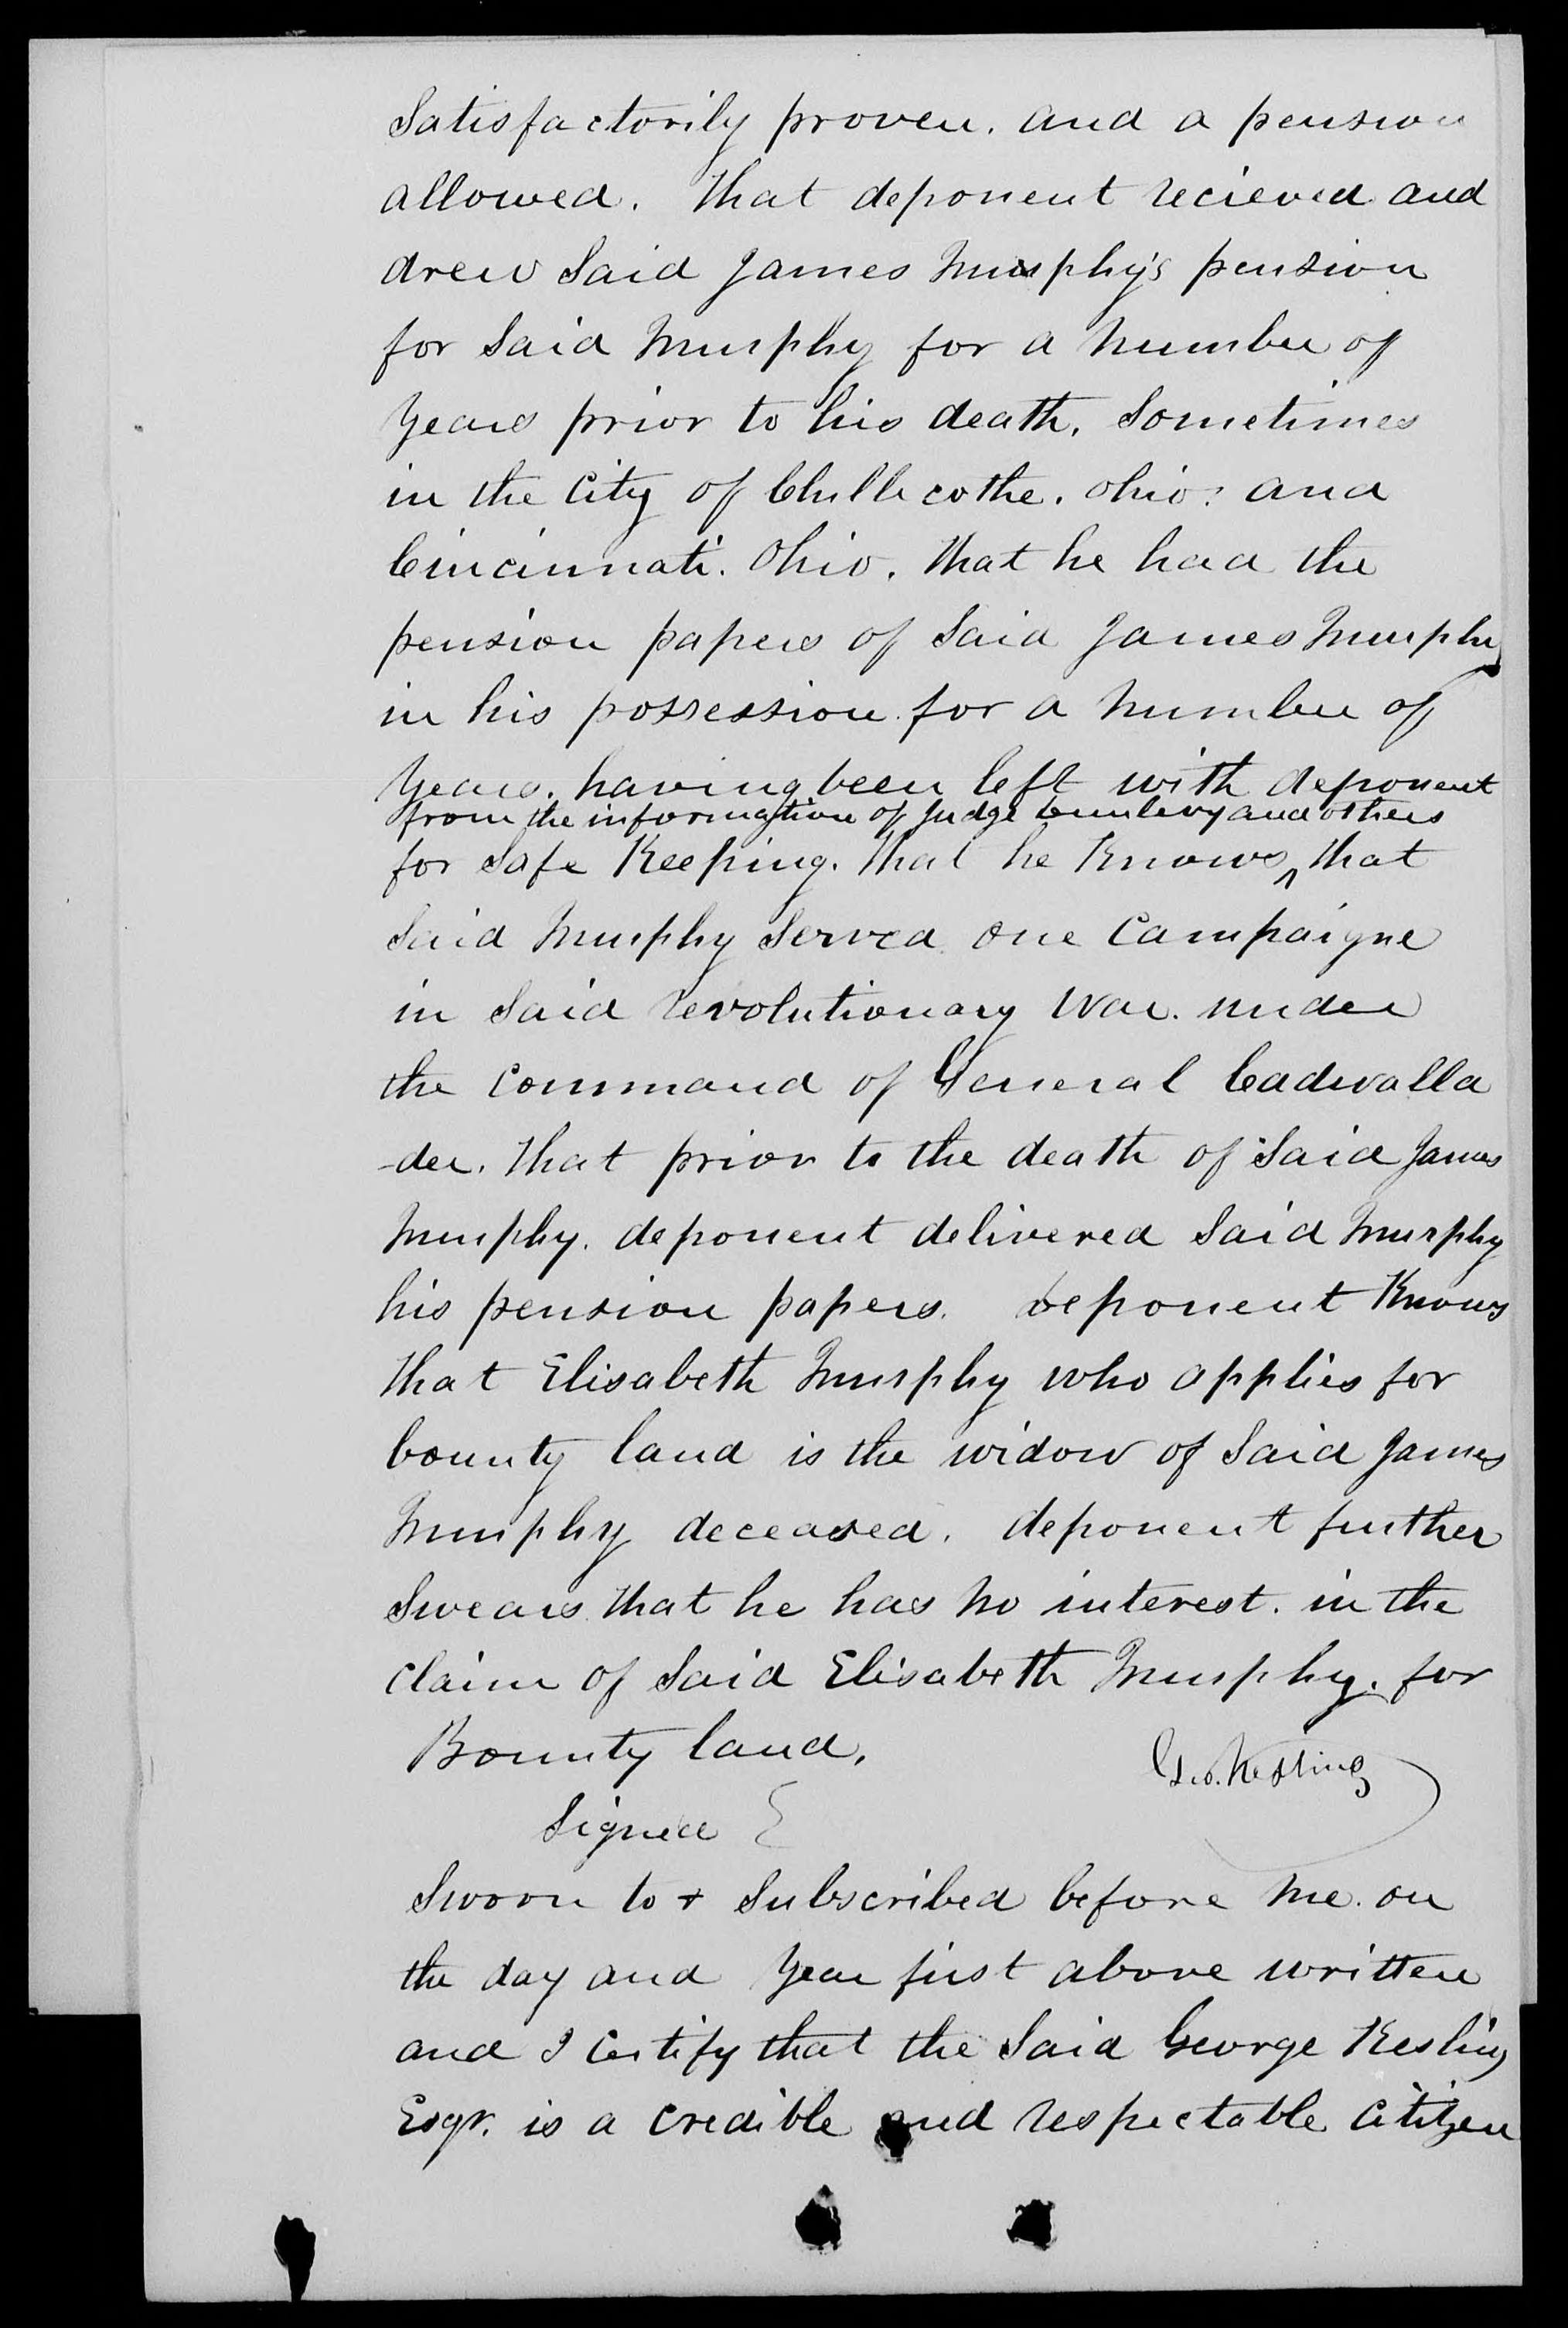satisfactorily proven, and a pension
allowed.   That deponent received and
drew said James Murphy's pension
for said Murphy for a number of
years prior to his death.  Sometimes
in the City of Chillicothe, Ohio, and
Cincinnati, Ohio, that he had the
pension papers of said James Murphy
in his possession for a number of
years, having been left with deponent
for safe keeping. That he knows from 
the information of Judge Bently and others that said Murphy served one Campaigne
in said Revolutionary War under the
command of General Cadwallader, 
That prior to the death of said James
pay deponent delivered said Murphy
his pension papers. Deponent knows
that Elizabeth Murphy who applies for
bounty land is the widow of said James
Murphy deceased, deponent further
swears that he has no interest in the
claim of said Elizabeth Murphy for
Bounty land.
Signed     Geo Kesling /s/

Sworn to & subscribed before me on
the day and year first above written
and I certify that the said George Kesling
Esqr. is a credible and respectable citizen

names: Geo Kesling; [BLANK] Cadwallader; James Murphy; Elisabeth Murphy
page: 24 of 57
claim: widow's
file: W. 25,739, for James Murphey, Pennsylvania